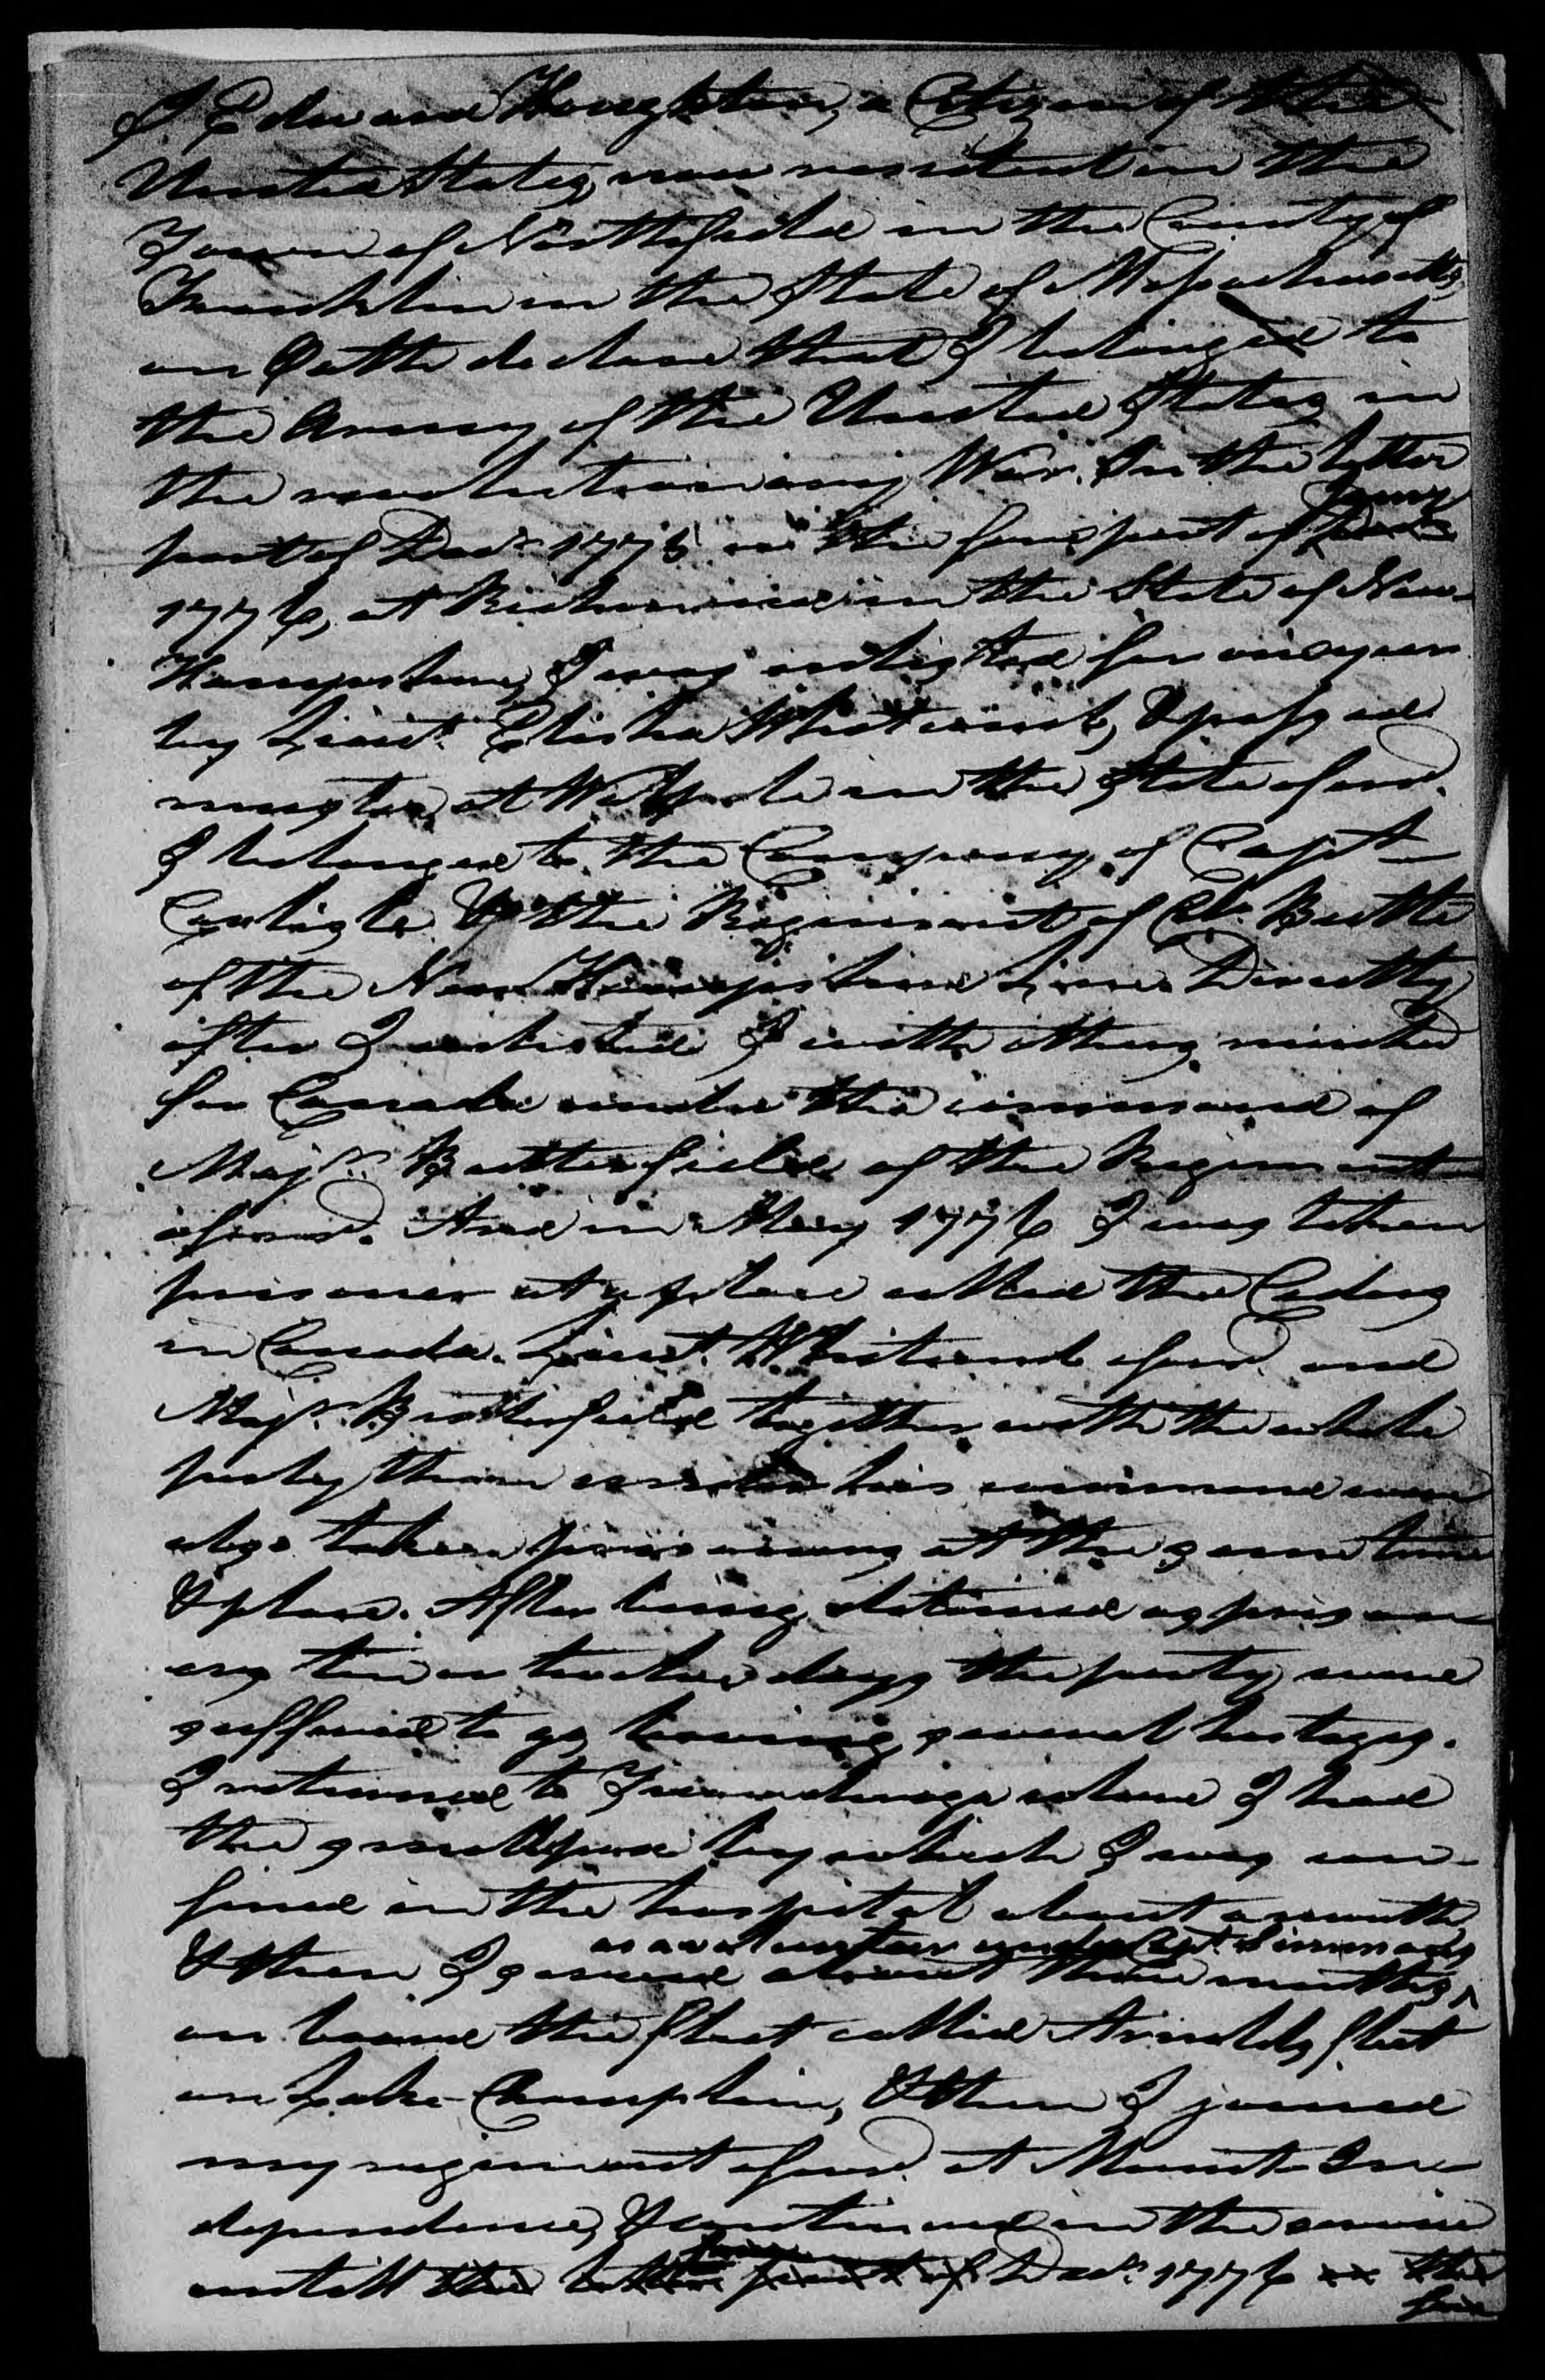I, Edward Houghton, a citizen of the United States, was resident in the Town of Northfield in the County of Franklin in the State of Massachusetts, on oath declare that I belonged to the Army of the United States in the Revolutionary War. In the latter part of Dec 1775 & in the former part of [^ January] December 1776, at Richmond in the State of New Hampshire, I was [illegible]. And for [illegible] by Lieut Elisha Whitcomb, & [illegible] at [illegible] in the State aforesaid & belonged to the Company of Capt Carlisle & the Regiment of [illegible] Battle of the [illegible] directly after [illegible] I with others [illegible] for Canada [illegible] the [illegible] of May Battlefield of the Regiment aforesaid. And in May 1776 I was to them prisoner at a place called the Cedars in Canada. Lieut Whitecomb aforesaid and May's Battlefield together with the whole party [illegible] was also taken [illegible] at the same time & place. After being detained [illegible] ten or twelve days, the party [illegible] to go, having [illegible] hostages. I continued to Ticonderoga where I had the [illegible] by which I was confined in the hospital about a month & then [^[illegible] Houghton under Capt Simmons] I served about three months in [illegible] the fleet called Arnold’s Fleet in Lake Champlain, & then I joined my regiment aforesaid at [illegible] Independence [illegible], & continued in the service untill [crossed out] December 1776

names: Edward Houghton, Elisha Whitcomb, Simmons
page: 4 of 10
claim: survivor's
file: S. 32,841, Edward Houghton, N.H.